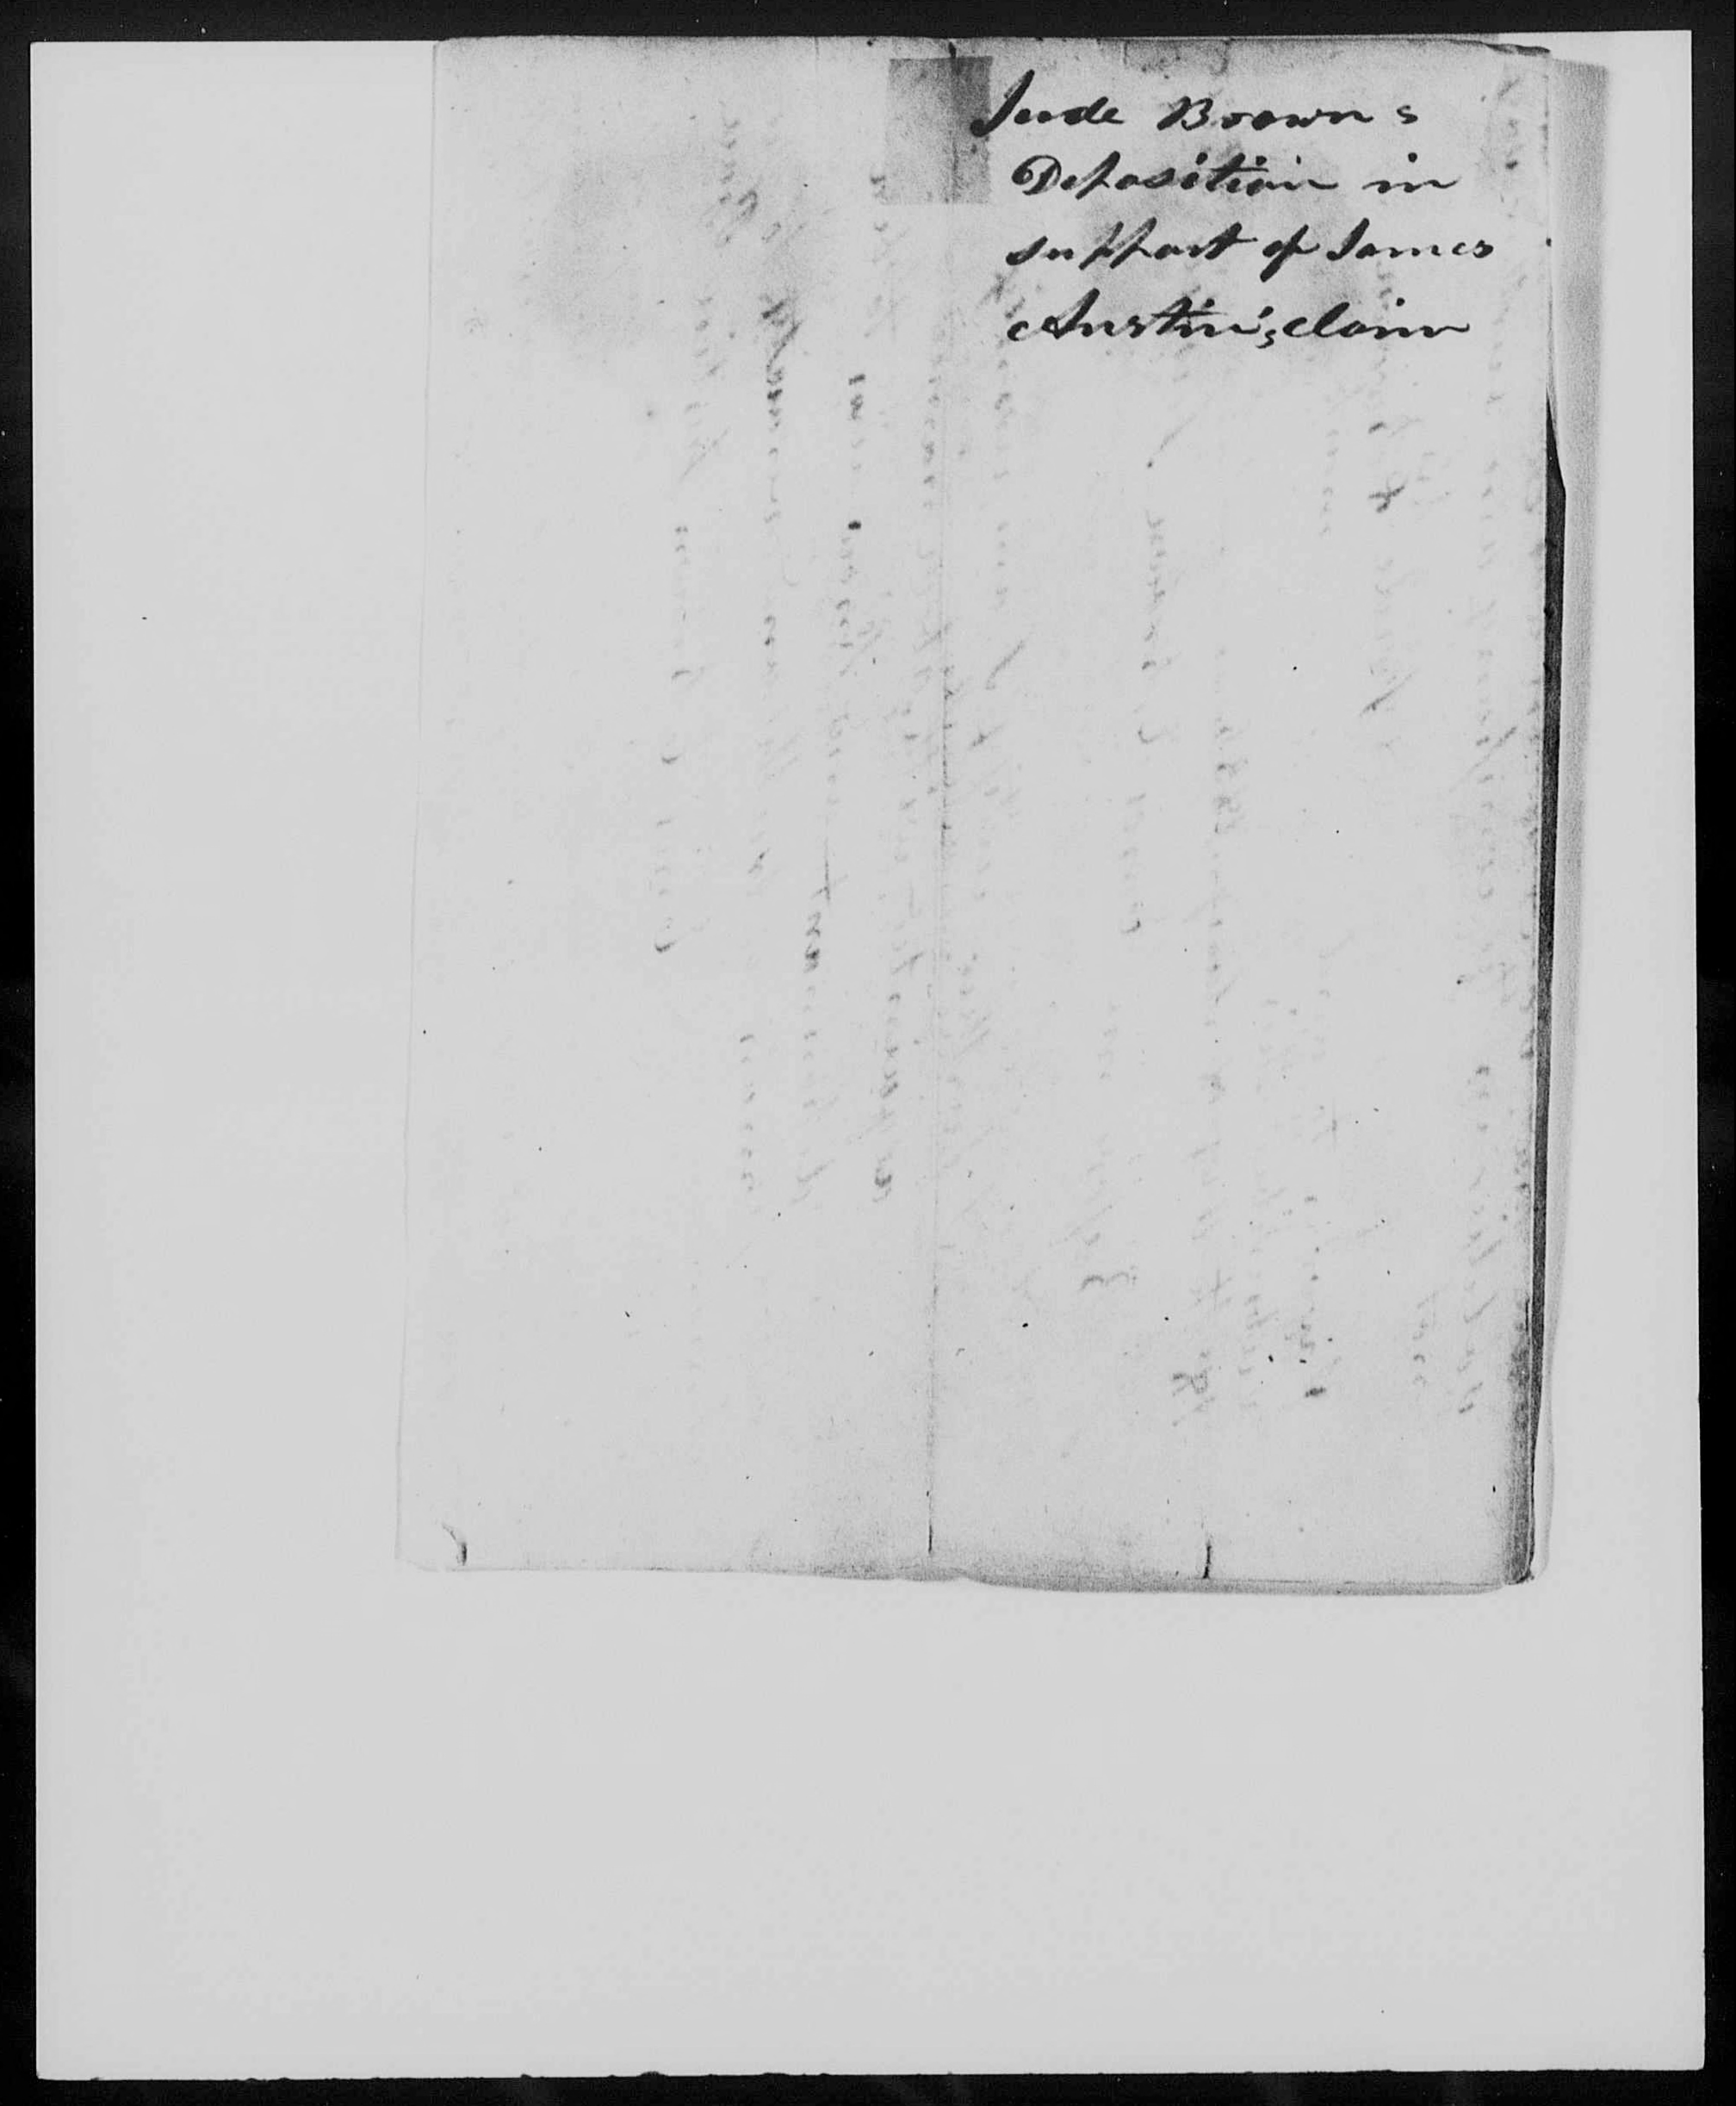Jude Browns Deposition in support of James Austin's claim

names: James Austin, Jude Brown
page: 73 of 100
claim: survivor's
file: S 19186, James Austin, Conn. New York R.I.